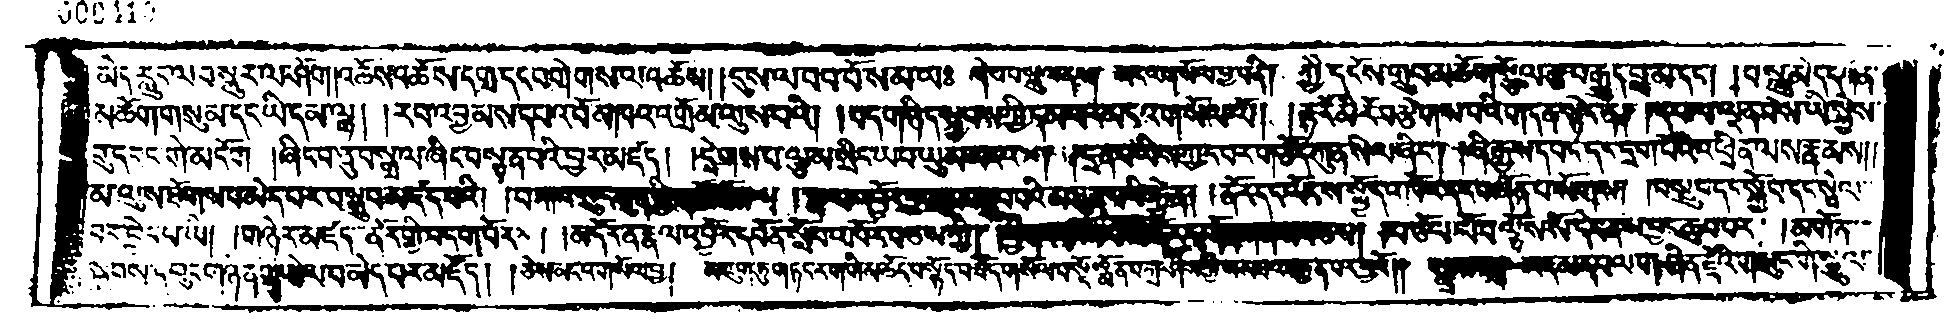མེད་རླུང་ལ་བསྐུར་ལ་ཤོག །འཆོས་འཆོས་དགྲ་དང་བགེགས་ལ་འཆོས། །དུས་ལ་བབ་པོ་ས་མ་ཡཿ ཞེས་བསྐུལ་ནས། མངའ་གསོལ་བྱ་བ་ནི།  ཀྱཻ་དངོས་གྲུབ་མཆོག་སྩོལ་རྩ་བརྒྱུད་བླ་མ་དང་། །བསླུ་མེད་དཀོན་
མཆོག་གསུམ་དང་ཡི་དམ་ལྷ། །རབ་འབྱམས་དཔའ་བོ་མཁའ་འགྲོ་མ་ལུས་པའི། །བདག་ཉིད་སྐྱབས་ཀྱི་དམ་བར་མངའ་གསོལ་ལོ། །རྟ་རོ་མི་རོ་བརྩེགས་པའི་གདན་སྟེང་ན། །དཔལ་ལྡན་པས་ཡི་སྐྱེས་
བུ་དབང་གི་མདོག །ཞིང་བཅུ་བསྒྲལ་ཞིང་བསྟན་པའི་བྱར་མཛད། །དྲེགས་པ་ལྕམ་སྲིང་ཡབ་ཡུམ་མངའ྾། །དྲན་པ་ཡིས་ཀྱང་བར་གཅོད་ཀུན་སེལ་ཞིང་། །ཞི་རྒྱས་དབང་དང་དྲག་པོའི་འཕྲིན་ལས་རྣམས། །
མ་ལུས་ཐོགས་པ་མེད་པར་བསྒྲུབ་མཛད་པའི། །བཀའ་སྲུང་ཀུན་གྱི་གཙོ་བོར྾། །རྣལ་འབྱོར་བྱང་ཆུབ་བསྒྲུབ་པའི་མཐུན་པའི་རྐྱེན། །ནོར་དང་ལོངས་སྤྱོད་འཁོར་དང་བཞོན་པ་སོགས། །བསྲུང་དང་སྐྱོབ་དང་སྤེལ་
བར་བྱེད་པ་ཡི། །གཉེར་མཛད་ནོར་གྱི་བདག་པོར྾། །མདོར་ན་རྣལ་འབྱོར་དཔོན་སློབ་འཁོར་བཅས་ཀྱི། །ཕྱི་ནང་དངོས་པོ་མི་ནོར་དགོན་གནས་བཅས། །བཅོལ་ལོ་བལྟོས་སོ་དེང་ནས་བྱང་ཆུབ་བར། །མགོན་
སྐྱབས་དཔུང་གཉེན་གཡེལ་བ་མེད་པར་མཛོད། ། ཅེས་མངའ་གསོལ་བྱ། མཇུག་ཏུ་གཏང་རག་གི་མཆོད་བསྟོད་བཟོད་གསོལ་བསྔོ་སྨོན་བཀྲ་ཤིས་ཀྱིས་མཐའ་བརྒྱན་པར་བྱའོ།།  སྨྲས་པ། འཇམ་དཔལ་གཤིན་རྗེའི་གསུང་གི་སྦྲུལ་